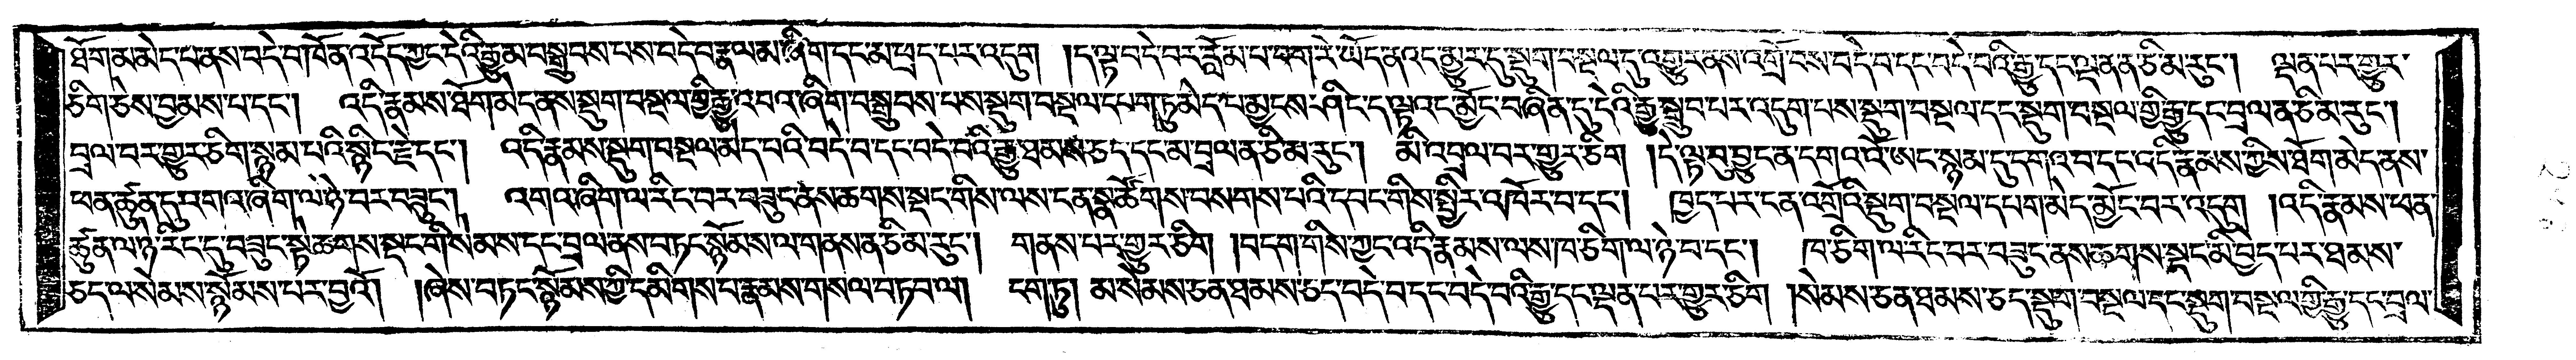ཐོག་མ་མེད་པ་ནས་བདེ་བ་ཁོ་ན་འདོད་ཀྱང་དེའི་རྒྱུ་མ་བསྒྲུབས་པས་བདེ་བ་རྣལ་མ་ཞིག་དང་མ་ཕྲད་པར་འདུག །ད་ལྟ་བདེ་བར་བློ་མ་པ་བག་རེ་ཡོད་ནའང་མྱུར་དུ་སྡུག་བསྔལ་དུ་འགྱུར་ནས་འགྲོ་བས་བདེ་བ་དང་བདེ་བའི་རྒྱུ་དང་ལྡན་ན་ཅི་མ་རུང་། ལྡན་པར་གྱུར་
ཅིག་ཅེས་བྱམས་པ་དང་། འདི་རྣམས་ཐོག་མེད་ནས་སྡུག་བསྔལ་གྱི་རྒྱུ་འབའ་ཞིག་བསྒྲུབས་བས་སྡུག་བསྔལ་དཔག་ཏུ་མེད་པ་མྱངས་ཤིང་ད་ལྟའང་མྱོང་བཞིན་དུ་དེའི་རྒྱུ་སྒྲུབ་པར་བདུག་པས་སྡུག་བསྔལ་དང་སྡུག་བསྔལ་གྱི་རྒྱུ་དང་བྲལ་ན་ཅི་མ་རུང་།
བྲལ་བར་གྱུར་ཅིག་སྙམ་པའི་སྙིང་རྗེ་དང་། འདི་རྣམས་སྡུག་བསྔལ་མེད་པའི་བདེ་བ་དང་བདེ་བའི་རྒྱུ་ཐམས་ཅད་དང་མ་བྲལ་ན་ཅི་མ་རུང་། མི་འབྲལ་བར་གྱུར་ཅིག །དེ་ལྟ་བུ་བྱུང་ན་དགའ་འོ་ཨང་སྙམ་དུ་དགའ་བ་དང་འདི་རྣམས་ཀྱིས་ཐོག་མེད་ནས་
ཕན་ཚུན་དུ་འགའ་ཞིག་ལ་ཉེ་བར་བཟུང་། འགའ་ཞིག་ལ་རིང་བར་བཟུང་ནས་ཆགས་སྡངས་གིས་ལས་ངན་སྣ་ཚོགས་བསགས་པའི་དབང་གིས་སྤྱིར་འཁོར་བ་དང་། ཁྱད་པར་ངན་འགྲོའི་སྡུག་བསྔལ་དཔག་མེད་མྱོང་བར་འདུག །འདི་རྣམས་ཕན་
ཚུན་ལ་ཉེ་རིང་དུ་བཟུང་སྟེ་ཆགས་སྡང་གི་སེམས་དང་བྲལ་ནས་བཏང་སྙོམས་ལ་གནས་ན་ཅི་མ་རུང་། གནས་པར་གྱུར་ཅིག །བདག་གིས་ཀྱང་འདི་རྣམས་ལས་ཁ་ཅིག་ལ་ཉེ་བ་དང་། ཁ་ཅིག་ལ་རིང་བར་བཟུང་ནས་ཆགས་སྡང་མི་བྱེད་པར་ཐམས་
ཅད་ལ་སེམས་སྙོམས་པར་བྱའོ། །ཞེས་བཏང་སྙོམས་ཀྱི་དམིགས་པ་རྣམས་གསལ་བཏབ་ལ། ངག་ཏུ། མ་སེམས་ཅན་ཐམས་ཅད་བདེ་བ་དང་བདེ་བའི་རྒྱུ་དང་ལྡན་པར་གྱུར་ཅིག། །སེམས་ཅན་ཐམས་ཅད་སྡུག་བསྔལ་དང་སྡུག་བསྔལ་གྱི་རྒྱུ་དང་བྲལ་